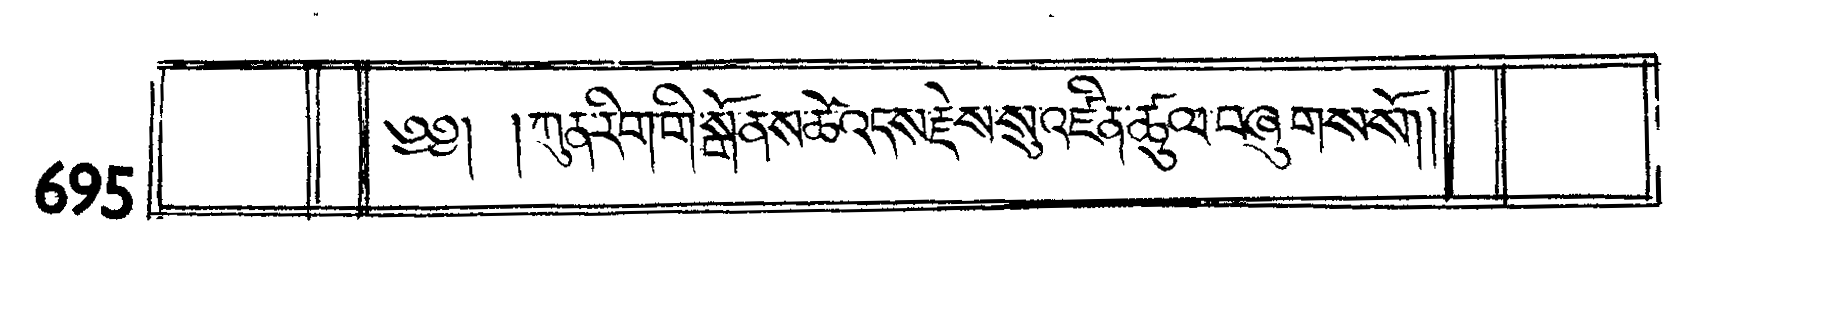༄༅། །ཀུན་རིག་གི་སྒོ་ནས་ཚེ་འདས་རྗེས་སུ་འཛིན་ཚུལ་བཞུགས་སོ།།